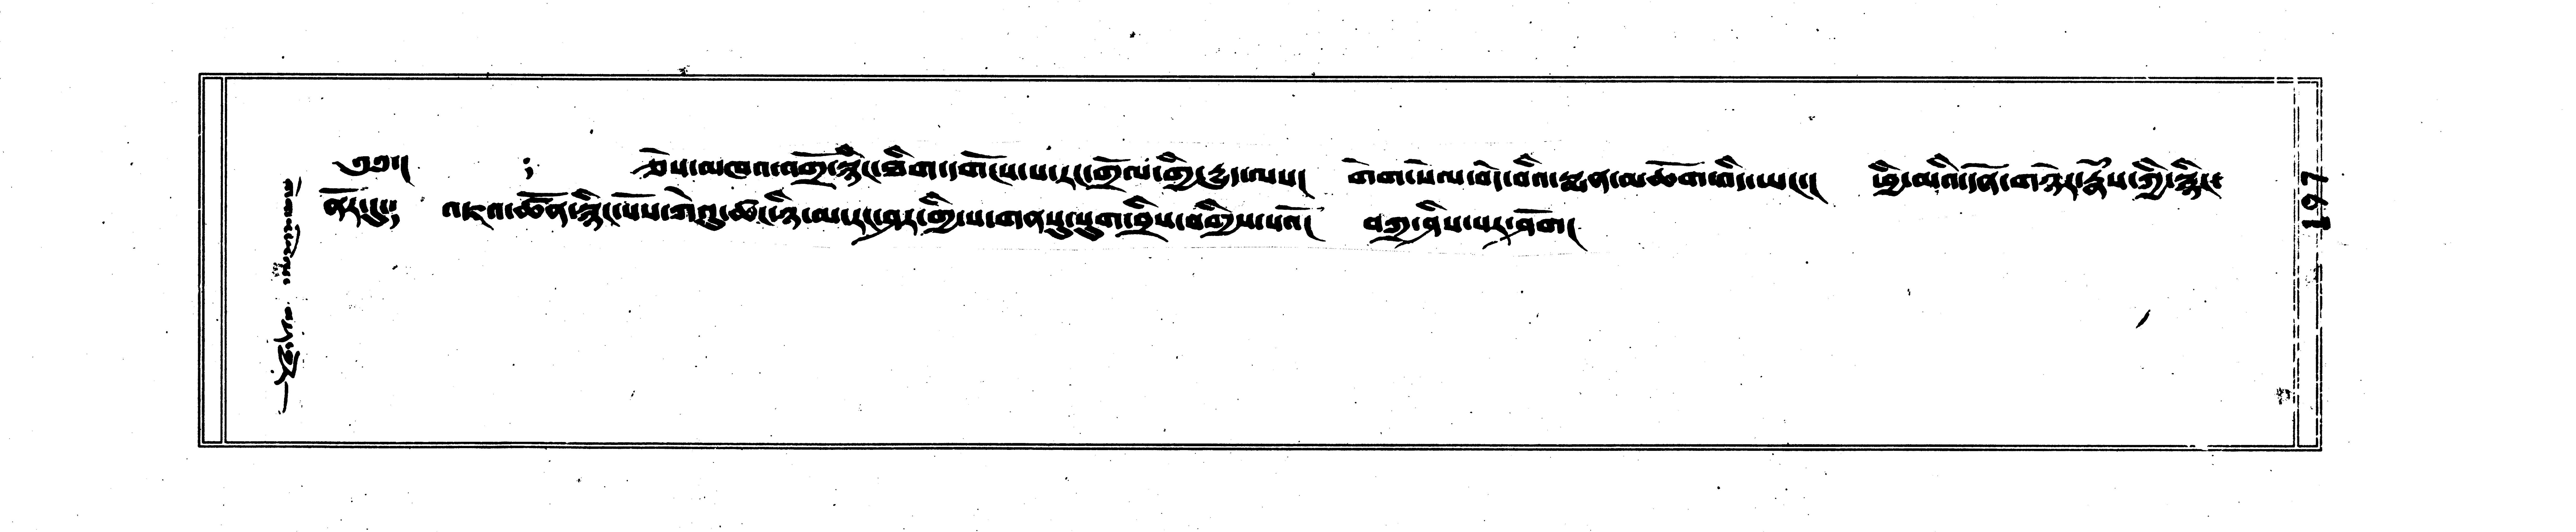ཅེས་མཁའ་འགྲོ་སྙིང་ཐིག་དགོངས་པ་རང་གྲོལ་གྱི་རྒྱུད་ལས། གེག་སེལ་བདེ་བའི་སྨན་མཆོག་འདི་ཡང་། ཕྱི་མའི་དོན་གཉེར་རྣམས་ཀྱི་སྙིང་
ནོར་དུ། འཇའ་ཚོན་སྙིང་པོས་ཀེའུ་ཚང་ཉི་མ་རང་ཤར་གྱི་ས་གནས་སུ་སུག་བྲིས་བགྱིས་པའོ།། །།བཀྲ་ཤིས་པར་ཤོག །